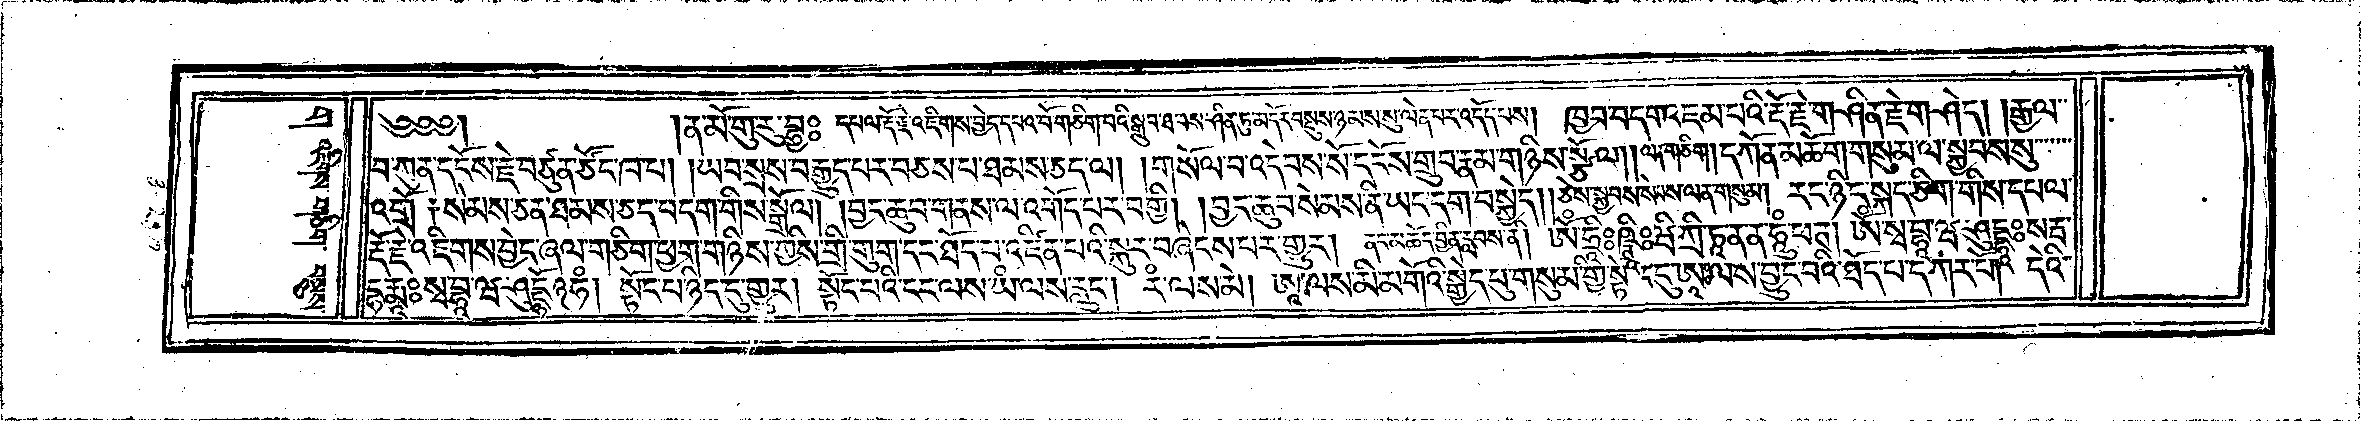༄༅༅། །ན་མོ་གུ་རུ་བྷྱཿ དཔལ་རྡོ་རྗེ་འཇིགས་བྱེད་དཔའ་བོ་གཅིག་པའི་སྒྲུབ་ཐབས་ཤིན་ཏུ་མདོར་བསྡུས་ཉམས་སུ་ལེན་པར་འདོད་པས།  ཁྱབ་བདག་འཇམ་པའི་རྡོ་རྗེ་གཤིན་རྗེ་གཤེད། །རྒྱལ་
བ་ཀུན་དངོས་རྗེ་བཙུན་ཙོང་ཁ་པ། །ཡབ་སྲས་བརྒྱུད་པར་བཅས་པ་ཐམས་ཅད་ལ། །གསོལ་བ་འདེབས་སོ་དངོས་གྲུབ་རྣམ་གཉིས་སྩོལ། །ལ་གཅིག །  དཀོན་མཆོག་གསུམ་ལ་སྐྱབས་སུ་
འགྲོ༑ སེམས་ཅན་ཐམས་ཅད་བདག་གིས་སྒྲོལ། །བྱང་ཆུབ་གནས་ལ་འགོད་པར་བགྱི། །བྱང་ཆུབ་སེམས་ནི་ཡང་དག་བསྐྱེད། །ཅེས་སྐྱབས་སེམས་ལན་གསུམ།  རང་ཉིད་སྐད་ཅིག་གིས་དཔལ་
རྡོ་རྗེ་འཇིགས་བྱེད་ཞལ་གཅིག་ཕྱག་གཉིས་ཀྱིས་གྲི་གུག་དང་ཐོད་པ་འཛིན་པའི་སྐུར་བཞེངས་པར་གྱུར། ནང་མཆོད་བྱིན་རླབས་ནི།  ཨོཾ་ཧྲཱིཿཥྚྲིཿཝི་ཀྲི་ཏཱ་ན་ན་ཧཱུཾ་ཕཌ། ཨོཾ་སྭ་བྷཱ་ཝ་ཤུདྡྷཱཿསརྦ་
དྷརྨཱཿསྭ་བྷཱ་ཝ་ཤུདྡྷོ་ཉ་ཧཾ། སྟོང་པ་ཉིད་དུ་གྱུར། སྟོང་པའི་ངང་ལས་ཡཾ་ལས་རླུང་། རཾ་ལས་མེ། ཨཱ་ལས་མི་མགོའི་སྒྱེད་པུ་གསུམ་གྱི་སྟེང་དུ་ཨཱ་ལས་བྱུང་བའི་ཐོད་པ་དཀར་པོ། དེའ་